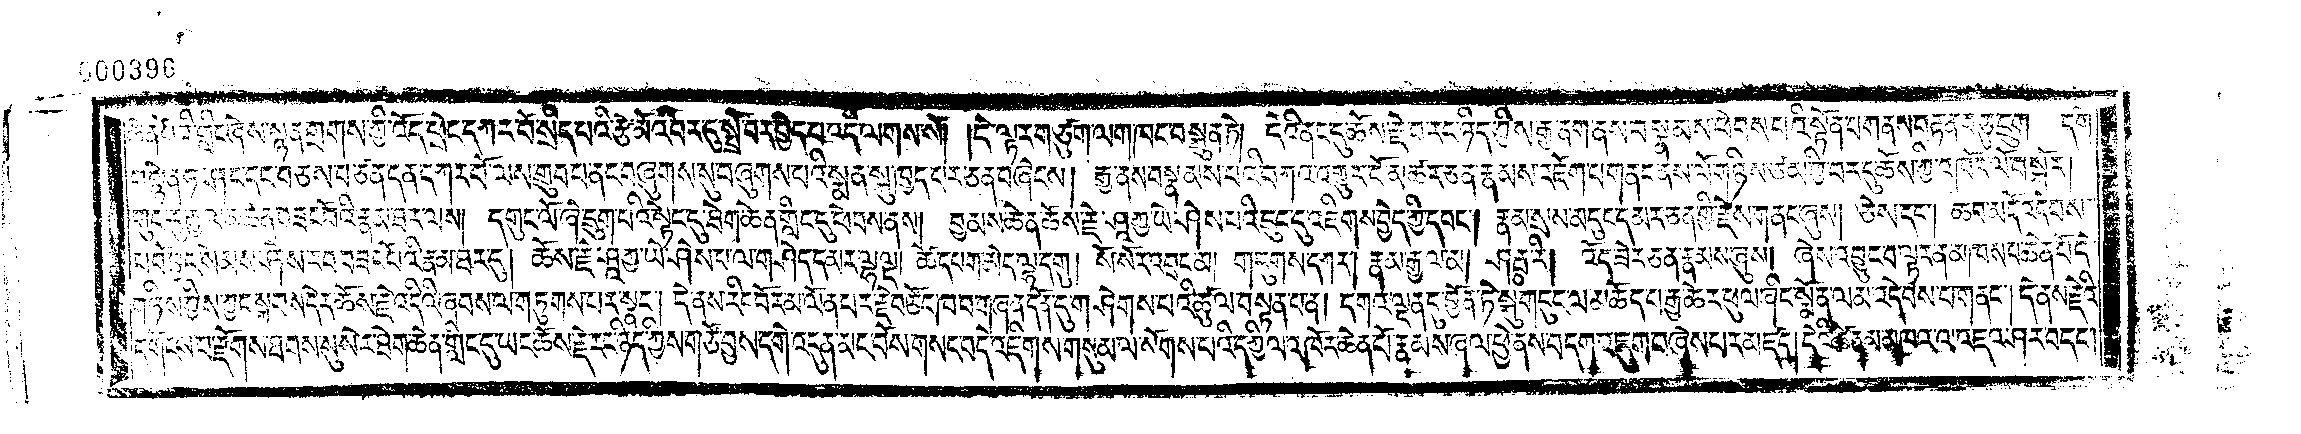ཆེན་པོའི་གླིང་ཞེས་སྙན་གྲགས་ཀྱི་འོད་ཕྲེང་དཀར་པོ་སྲིད་པའི་རྩེ་མོའི་བར་དུ་སྤྲོ་བར་བྱེད་པ་འདི་ལགས་སོ། །དེ་ལྟར་གཙུག་ལག་ཁང་བསྐྲུན་ཏེ། དེའི་ནང་དུ་ཆོས་རྗེ་བ་རང་ཉིད་ཀྱིས་རྒྱ་ནག་ནས་བསྣམས་ཕེབས་བའི་སྟོན་པ་གནས་བརྟན་བཅུ་དྲུག །དགེ་
བསྙེན་ཧ་ཤང་དང་བཅས་པ་ཙན་དན་དཀར་པོ་ལས་གྲུབ་པ་ནང་བཞུགས་སུ་བཞུགས་པའི་སྨན་སྐུ་ཁྱད་པར་ཅན་བཞེངས། རྒྱ་ནས་བསྣམས་པའི་བཀའ་འགྱུར་ངོ་མཚར་ཅན་རྣམས་འཇོག་བ་གནང་ནས་ལོ་གཉིས་ཙམ་གྱི་བར་དུ་ཆོས་ཀྱི་འཁོར་ལོ་བསྐོར།
གུང་རུ་རྒྱལ་མཚན་བཟང་པོའི་རྣམ་ཐར་ལས། དགུང་ལོ་ཞེ་དྲུག་པའི་སྟེང་དུ་ཐེག་ཆེན་གླིང་དུ་ཕེབས་ནས། བྱམས་ཆེན་ཆོས་རྗེ་ཤཱཀྱ་ཡེ་ཤེས་པའི་དྲུང་དུ་འཇིགས་བྱེད་ཀྱི་དབང་། རྣམ་སྲས་མདུང་དམར་ཅན་གྱི་རྗེས་གནང་ཞུས། ཅེས་དང་། ཆབ་མདོ་འདེབས་
པ་བོ་བྱང་སེམས་ཤེས་རབ་བཟང་པོའི་རྣམ་ཐར་དུ། ཆོས་རྗེ་ཤཱཀྱ་ཡེ་ཤེས་པ་ལ་གཤེད་དམར་ལྷ་ལྔ། ཚེ་དཔག་མེད་ལྷ་དགུ། སོ་སོར་འབྲང་མ། གདུགས་དཀར། རྣམ་རྒྱལ་མ། ཤརྦ་རི། འོད་ཟེར་ཅན་རྣམས་ཞུས། ཞེས་འབྱུང་བ་ལྟར་ན་མཁས་པ་ཆེན་པོ་དེ་
གཉིས་ཀྱིས་ཀྱང་སྐབས་དེར་ཆོས་རྗེ་འདིའི་ཞབས་ལ་གཏུགས་པར་སྣང་། དེ་ནས་རིང་པོར་མ་ལོན་པར་རྗེ་བཙོང་ཁ་བ་གཞན་དོན་དུ་གཤེགས་པའི་ཚུལ་བསྟན་པ་ན། དགའ་ལྡན་དུ་བྱོན་ཏེ་སྐུ་གདུང་ལ་མཆོད་པ་རྒྱ་ཆེར་ཕུལ་ཞིང་སྨོན་ལམ་འདེབས་པ་གནང་། དེ་ནས་རྗེའི་
དགོངས་པ་རྫོགས་ཐབས་སུ་སེ་ར་ཐེག་ཆེན་གླིང་དུ་ཡང་ཆོས་རྗེ་རང་ཉིད་ཀྱིས་གཙོ་བྱས་དགེ་འདུན་མང་པོས་གསང་བདེ་འཇིགས་གསུམ་ལ་སོགས་པའི་དཀྱིལ་འཁོར་ཆེན་པོ་རྣམས་ཞལ་ཕྱེ་ནས་བདག་འཇུག་བཞེས་པར་མཛད། དེའི་ཆེ་ནམ་མཁའ་ལ་འཇའ་ཤར་བ་དང་།